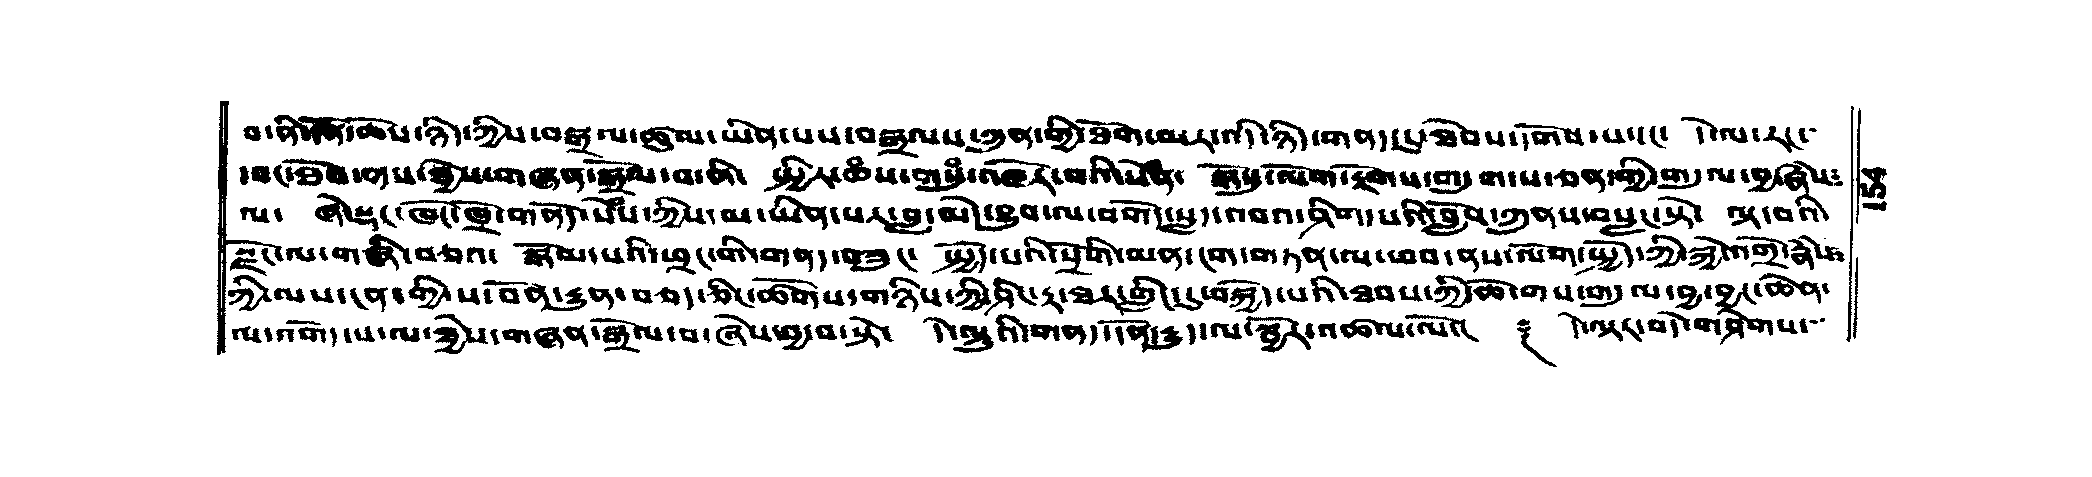བ་ནི་དོན་ཆོས་ཉིད་ཀྱིས་བསྒྲལ་ཚུལ་ཡིན་པས་བསྒྲལ་ལས་ཀུན་གྱི་ཐོག་མར་འདི་ཉིད་གནད་དུ་ཐེབས་དོགས་པ་དང་། དེ་ལ་རང་
དབང་ཐོབ་ནས་ཐུགས་རྗེས་གཞན་སྒྲོལ་བ་ནི། སྤྱིར་ཁམས་གསུམ་འཁོར་བའི་སེམས་ཅན། སྒོ་དུ་ལོག་རྟོགས་གདུག་པ་ཅན་གྱི་གདུལ་བྱ་རྣམས་
ལ། ཞེ་སྡང་ཁོང་ཁོར་གནོད་སེམས་ཀྱིས་མ་ཡིན་པར་བླ་མེད་བྱང་ཆུབ་ལ་བགོད་སླད་འབའ་ཞིག་དཔའི་བློས་ཀུན་ནས་བསླང་སྟེ། ལྟ་བའི་
རྫོང་ལ་གཞི་བཅའ། སྒོམ་པའི་ཕྲང་གི་གནད་བཟུང་། སྤྱོད་པའི་སྲོག་གི་མན་ངག་གཏན་ལ་ཕབ་ནས་ལོག་སྤྱོད་ཀྱི་སྐྱེ་འགྲོ་རྣམས་
ཀྱི་ལས་ངན་གྱི་ས་བོན་རྒྱུན་བཅད་ཅིག་ཚོགས་གཉིས་ཀྱི་ཤིང་རྟ་ཐར་གླིང་དུ་བསྐྱོད་པའི་ཐབས་ཀྱི་ཆོ་གས་གདུལ་བྱ་བྱང་ཆེན་
ལ་འགོད་པ་ལ་ཐུགས་རྗེ་གཞན་སྒྲོལ་བ་ཞེས་བྱ་བ་སྟེ། དེ་ལྟ་བུའི་གནད་དོན་རྒྱུད་ལ་སྦྱོར་འཚལ་ལོ། ༈ དེ་ལྟར་བདེ་གཤེགས་